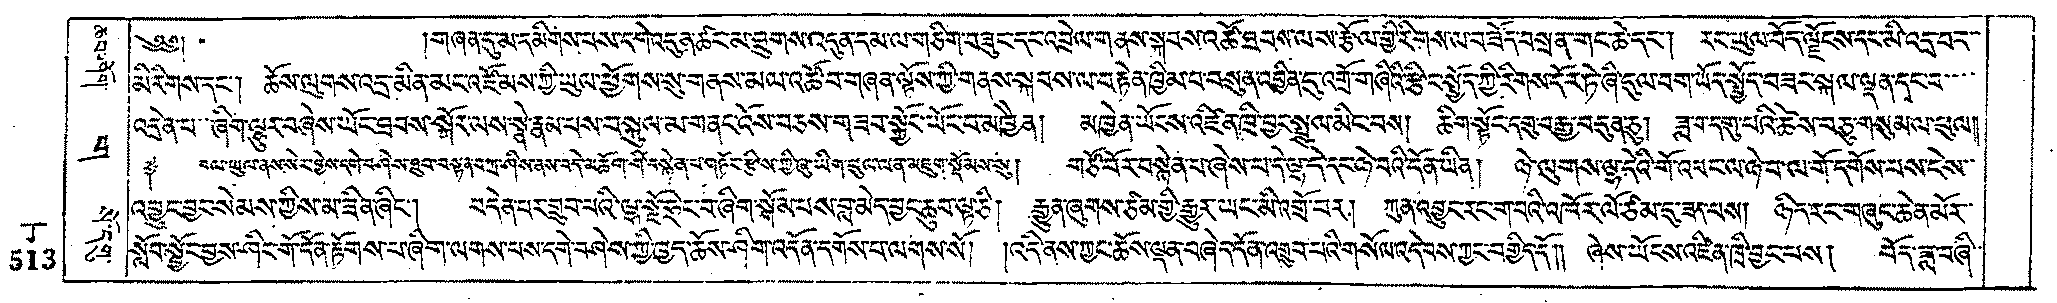༄༅། །གཞན་དུ་མ་དམིགས་པས་དགེ་འདུན་ཚང་མ་ཐུགས་འདུན་དམ་ལ་གཅིག་བཟུང་དང་འབྲེལ་གནས་སྐབས་འཚོ་ཐབས་ལས་རྩོལ་གྱི་རིགས་ལ་བཟོད་བསྲན་གང་ཆེ་དང་། རང་ཡུལ་བོད་ལྗོངས་དང་མི་འདྲ་བར་་་
མི་རིགས་དང་། ཆོས་ལུགས་འདྲ་མིན་མང་འཛོམས་ཀྱི་ཡུལ་ཕྱོགས་སུ་གནས་མལ་འཚོ་བ་གཞན་ལྟོས་ཀྱི་གནས་སྐབས་ལ་བརྟེན་ཁྱིམ་པ་བསུན་འབྱིན་དུ་འགྲོ་གཞིའི་རྩིང་སྤྱོད་ཀྱི་རིགས་དོར་ཏེ་ཞི་དུལ་བག་ཡོད་སྤྱོད་བཟང་སྐལ་ལྡན་དྭང་བ་་་
འདྲེན་པ་་་ཞིག་ལྷུར་བཞེས་ཡོང་ཐབས་སྐོར་ལས་སྣེ་རྣམ་པས་བསྐུལ་མ་གནང་འོས་བཅས་གཟབ་སྐྱོང་ཡོང་བ་མཁྱཻན། མཁྱེན་ཡོངས་འཛིན་ཁྲི་བྱང་སྤྲུལ་མིང་པས། ཆིག་སྟོང་དགུ་བརྒྱ་བདུན་ཅུ། ཟླ་བ་དགུ་པའི་ཚེས་བཅུ་གསུམ་ལ་ཕུལ།།
འ་བལ་ཡུལ་ནས་སེར་བྱེས་དགེ་བཤིས་ཐུབ་བསྟན་བཀྲ་ཤིས་ནས་བདེ་མཆོག་གི་བསྙེན་པ་གཏོང་རྩིས་ཀྱི་ཞུ་ཡིག་ཕུལ་ལན་མཇུག་སྡོམས་སུ།  གཙོ་བོར་བསྙེན་པ་ཞེས་པ་དེ་ལྷ་དེ་དང་ཉེ་བའི་དོན་ཡིན། ཉེ་ལུགས་ལྷ་དེའི་གོ་འཕང་ལ་ཉེ་བ་ལ་གོ་དགོས་པས་ངེས་་་
འབྱུང་བྱང་སེམས་ཀྱིས་མ་ཟིན་ཞིང་། བདེན་པར་གྲུབ་པའི་ལྷ་སྔོ་ཧྲེང་བ་ཞིག་སྒོམ་པས་བླ་མེད་བྱང་ཆུབ་ལྟ་ཅི། རྒྱུན་ཞུགས་ཙམ་གྱི་རྒྱུར་ཡང་མི་འགྲོ་བར། ཀུན་འབྱུང་རང་ག་བའི་འཁོར་ལོ་ཙམ་དུ་ཟད་པས། ཉིད་རང་གཞུང་ཆེན་མོར་་་
སློབ་སྦྱོང་བྱས་ཤིང་གོ་དོན་རྟོགས་པ་ཞིག་ལགས་པས་དགེ་བཤེས་ཀྱི་ཁྱད་ཆོས་ཤིག་འདོན་དགོས་པ་ལགས་སོ། །འདི་ནས་ཀྱང་ཆོས་ལྡན་བཞེད་དོན་འགྲུབ་པའི་གསོལ་འདེབས་ཀྱང་བགྱིད་དོ།། ཞེས་ཡོངས་འཛིན་ཁྲི་བྱང་པས། བོད་ཟླ་བཞི་་་